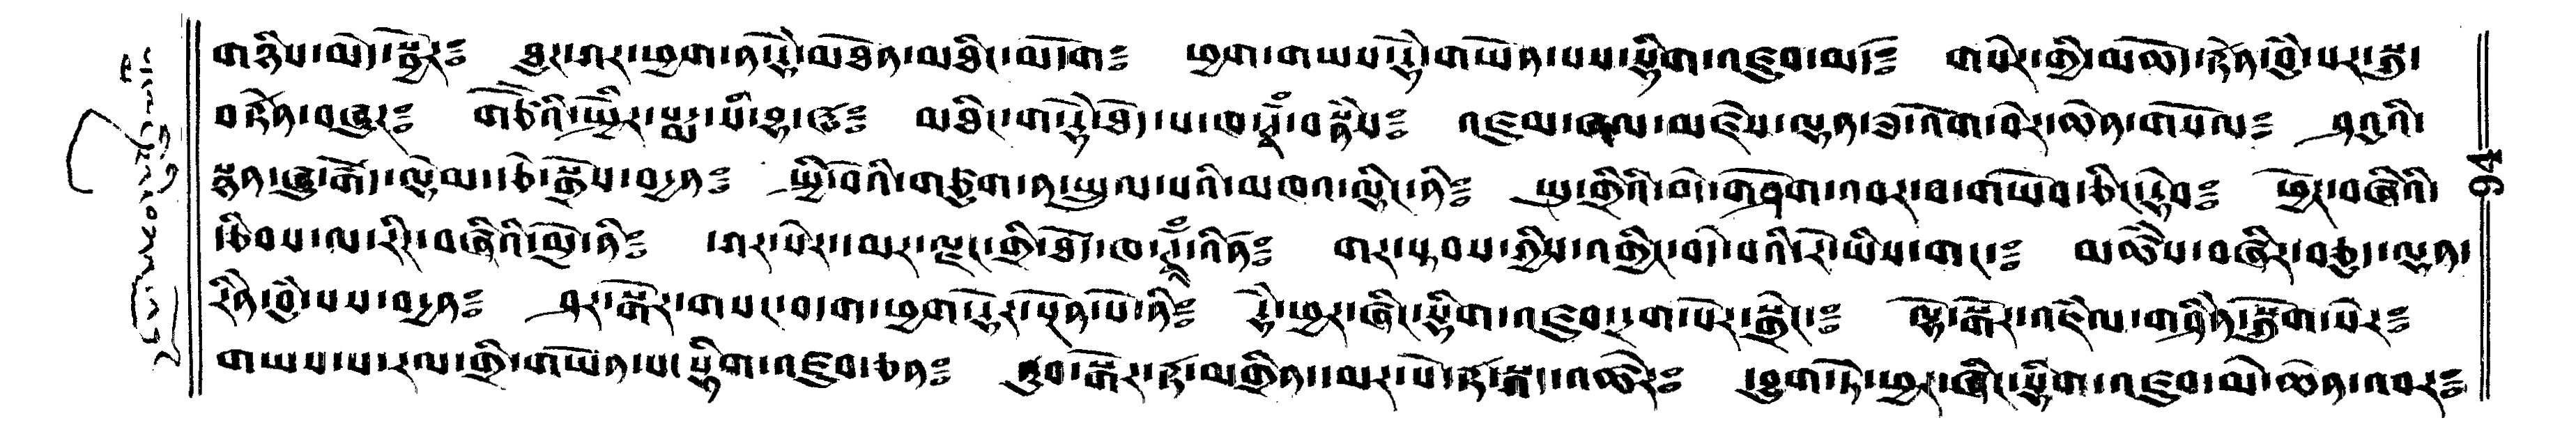གཉིས་མེད་སྦྱོར༔ ཐུགས་ཀར་ཕྱག་ན་རྡོ་རྗེ་མཐོན་མཐིང་མདོག༔ ཕྱག་གཡས་རྡོ་རྗེ་གཡོན་པས་སྡིག་འཛུབ་མཛད༔ གསེར་གྱི་མཆོད་རྟེན་བུམ་པར་སྐུ་
བརྟེན་བཞུགས༔ གཙོ་བོའི་སྤྱི་བོར་པདྨ་སཾ་བྷ་ཝ༔མཐིང་ག་རྡོ་རྗེ་ཐོད་པ་ཁ་ཊྭྃ་བསྣམས༔ འཛུམ་ཞལ་མཛེས་ལྡན་ཟ་འོག་བེར་ཆེན་གསོལ༔ ཤའུའི་
སྙན་ཞུ་རྒོད་ལྡེམ་རྩེ་སྒྲོས་བརྒྱན༔ སྤྱི་བོའི་གཙུག་ན་སྤྲུལ་པའི་མཁའ་ལྡིང་ནི༔ སྤུ་གྲིའི་བདེ་གཤོག་འབར་བ་གཡོབ་ཅིང་རྡེབ༔ ཕྱོགས་བཞིའི་
རྩིབས་ལ་རིགས་བཞིའི་མཁའ་འགྲོ་ནི༔ དཀར་སེར་དམར་ལྗང་གྲི་ཐོད་ཁ་ཊཱྃ་འཛིན༔ གར་སྟབས་ཀྱིས་འགྱིང་བདེ་བའི་རོ་ཡིས་གང༔ མཚམས་བཞིར་བཅུད་ལྡན་
རིན་ཆེན་བུམ་པས་བརྒྱན༔ ཤར་སྒོར་གསང་བདག་ཕྱག་རྡོར་སྔོན་པོ་ནི༔ རྡོ་རྗེ་འཕྱར་ཞིང་སྡིག་འཛུབ་དྲག་པོར་སྒྲེང༔ ལྷོ་སྒོར་འཇམ་དཔལ་གཤིན་རྗེ་སྐུ་མདོག་སེར༔ 
གཡས་པ་རལ་གྲི་གཡོན་པ་སྡིག་འཛུབ་ཅན༔ ནུབ་སྒོར་རྟ་མགྲིན་དམར་པོ་རྟ་སྐད་འཚེར༔ དབྱུག་ཏོ་འཕྱར་ཞིང་སྡིག་འཛུབ་མེ་ཆེན་འབར༔